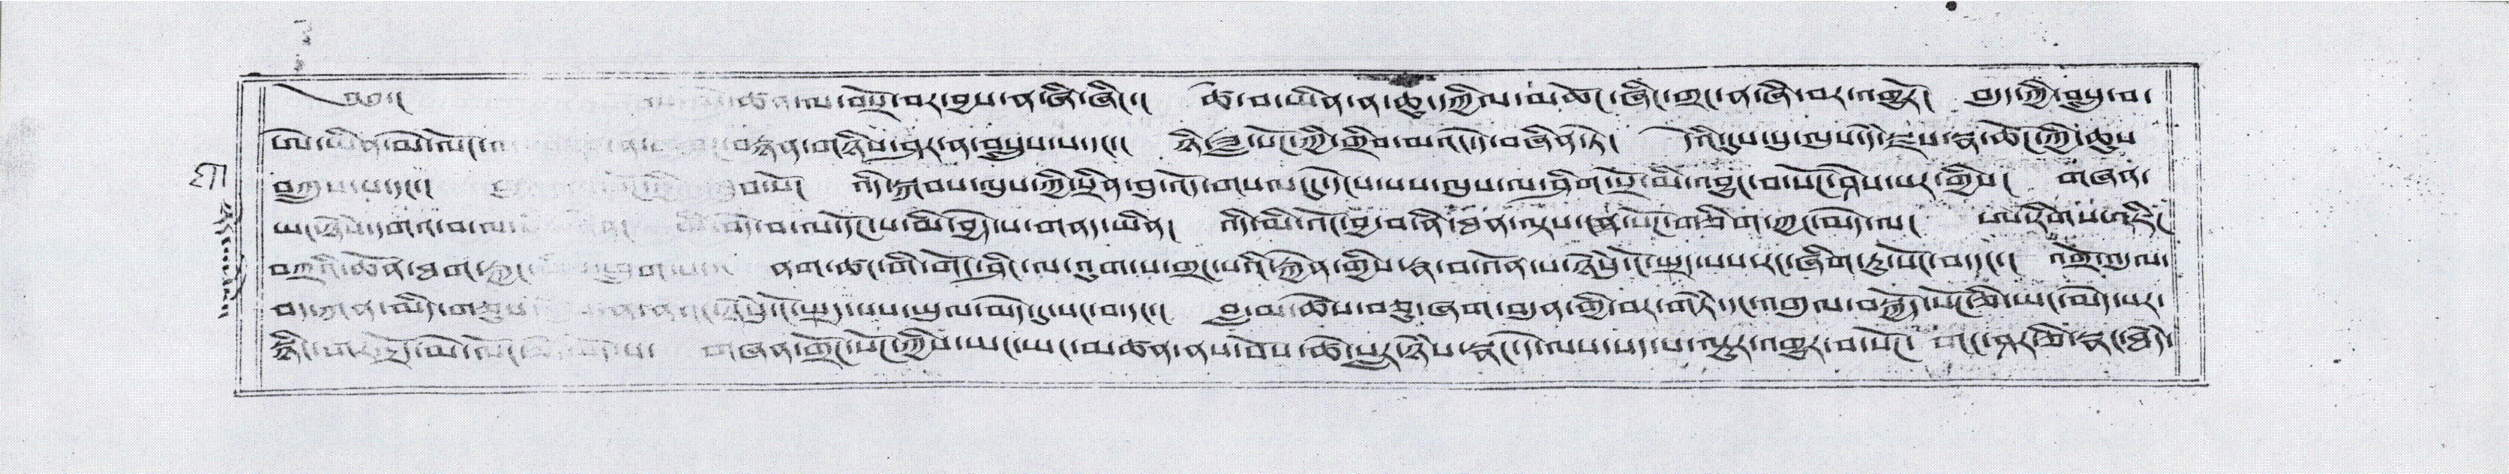བས་མེ་ཚན་ལ་བསྲོ་བར་བྱས་ན་ཞི་ཞིང། ཚེ་བ་ཡིན་ན་ཆུ་དཀྱིལ་མཆོང་ཞིང་གྲང་ན་ཞི་བར་འགྱུར་རོ། བདུད་ཀྱི་བསླུ་བ་
ཨེ་ཡིན་མེ་ལོང་་་་་་་གཟུགས་བརྙན་གཉིས་ཤར་ན་བསླུས་པ་དང། ཉི་ཟླ་སོགས་ཀྱི་གྲིབ་མའང་དེ་བཞིན་ཏེ། དེའི་དུས་སུ་ལུས་དམ་རྫས་སྣ་ཚོགས་ཀྱི་ཆུས་
བཀྲུས་པ་དང། ་་་་་་་་་་་ཐུབ་པོ། འདི་སྐབས་ལུས་ཀྱི་སྲིན་བུ་འོད་གསལ་དུ་དེངས་པས་ལུས་ལ་ཤིག་སྲོ་མི་འབྱུང་བ་སོགས་ཤེས་པར་གྱིས། གཞན་
ཡང་ཉམས་དགའ་བ་ལ་་་་་་་་། མི་བདེ་བ་ལ་དོགས་པ་མི་བྱེད་པ་གནད་ཡིན། འདི་མི་འོང་བྱ་བ་ནི་ཐར་ལྟས་ངན་སོགས་གཅིག་ཀྱང་མེད་ལ། ཨ་རིགས་འཇིགས་
བཀྲའི་ཆོན་ཐག་རྐྱང་་་་་་འཕྲུག་པ་དང། ནག་ཚང་གི་གོང་ཤིང་ལ་འུག་པ་གྲང་པའི་རྐྱེན་གྱིས་རྣ་བ་འོན་པ་ཉམས་སུ་ངོ་སྤྲད་པས་རང་ཞིག་ཏུ་སོང་བ་དང། འགྲོ་འདུལ་
བད་ཀན་མིད་གཅུས་་་་་་ནའང་ཉམས་སུ་ངོ་སྤྲད་པས་ཡུལ་མེད་དུ་སང་བ་དང། བླ་མ་ཚེས་བཅུ་ཞག་བདུན་གྱི་བར་གཏམ་དང་འགུལ་བསྐྱོད་སོགས་ཅི་ཡང་མེད་པར་
སྙིང་གར་དྲོད་མེ་ལོང་ཙམ་ཡོད་པ། གཞན་གྲོགས་སོགས་ཀྱིས་ཡང་ཡང་མཚན་ནས་བོས་ཚེ་སླར་ཉམས་སྣང་དེ་ལས་སད་པ་ལྟ་བུར་འགྱུར་བ་སོགས། གང་ཤར་ཅི་སྣང་ཐམས་ཅད་